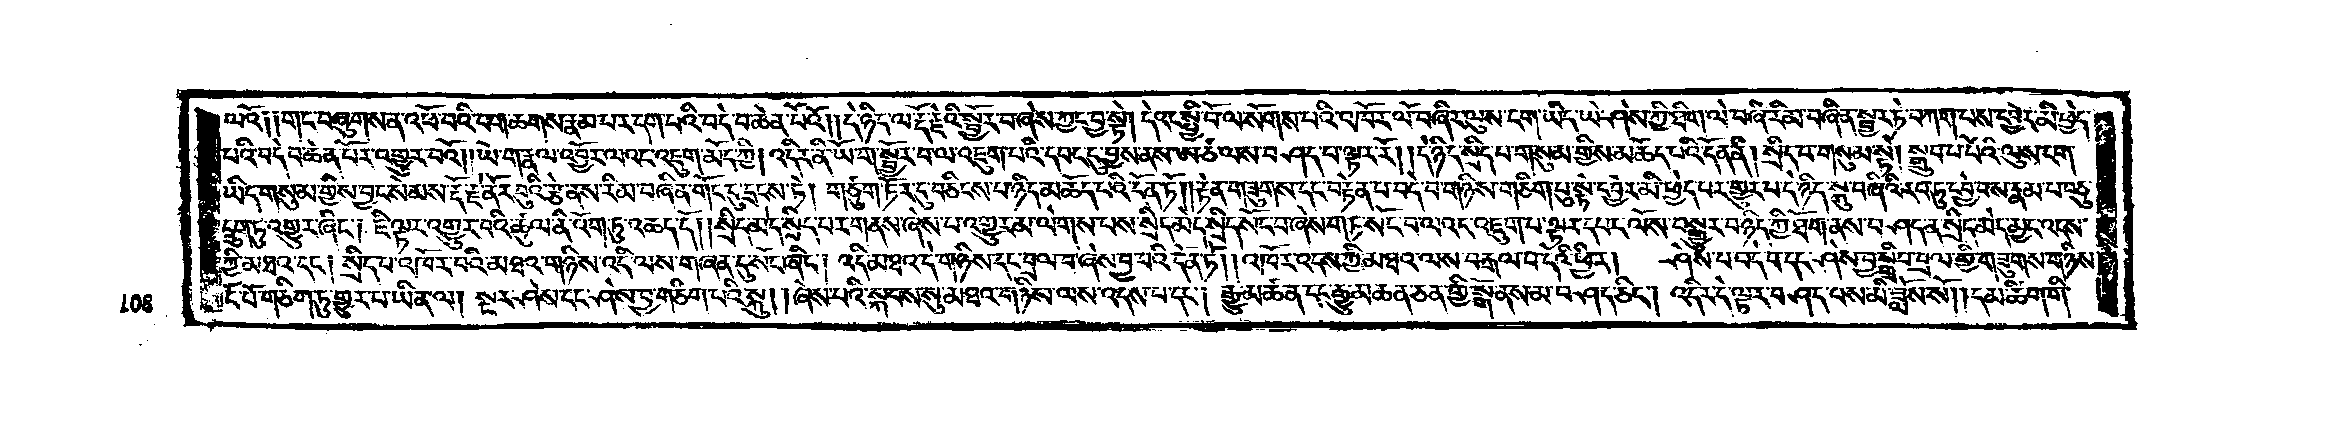ལའོ། །གང་བཞུགས་ན་འཕོ་བའི་བག་ཆགས་རྣམ་པར་དག་པའི་བདེ་བ་ཆེན་པོའོ། །དེ་ཉིད་ལ་རྡོ་རྗེའི་སྦྱོར་བ་ཞེས་ཀྱང་བྱ་སྟེ། དེའང་སྤྱི་བོ་ལ་སོགས་པའི་འཁོར་ལོ་བཞིར་ལུས་ངག་ཡིད་ཡེ་ཤེས་ཀྱི་ཐིག་ལེ་བཞི་རིམ་བཞིན་སྦྱར་ཏེ་བཀག་པས་དབྱེར་མི་ཕྱེད་
པའི་བདེ་བ་ཆེན་པོར་འགྱུར་བའོ། །ཡི་གེ་རྣལ་འབྱོར་ལའང་འཇུག་མོད་ཀྱི། འདིར་ནི་ཡོ་ག་སྦྱོར་བ་ལ་འཇུག་པའི་དབང་དུ་བྱས་ནས་ཨ་རྩ་ལས་བཤད་པ་ལྟར་རོ། །དེ་ཉིད་སྲིད་པ་གསུམ་གྱིས་མཆོད་པའི་དོན་ནི། །སྲིད་པ་གསུམ་སྟེ། སྒྲུབ་པ་པོའི་ལུས་ངག་
ཡིད་གསུམ་གྱིས་བྱང་སེམས་རྡོ་རྗེ་ནོར་བུའི་རྩེ་ནས་རིམ་བཞིན་གོང་དུ་དྲངས་ཏེ། གཙུག་ཏོར་དུ་བཅིངས་པ་ཉིད་མཆོད་པའི་དོན་ཏོ། །རྟེན་གཟུགས་དང་བརྟེན་པ་བདེ་བ་གཉིས་གཅིག་པུ་སྟེ་དབྱེར་མི་ཕྱེད་པར་གྱུར་པ་དེ་ཉིད་སྐུ་བཞིའི་རབ་ཏུ་དབྱེ་བས་རྣམ་པ་བཅུ་
དྲུག་ཏུ་འགྱུར་ཞིང་། ཇི་ལྟར་འགྱུར་བའི་ཚུལ་ནི་འོག་ཏུ་འཆད་དོ། །སྲིད་མེད་སྲིད་པར་གནས་ཞེས་པ་འགྱུར་མ་ལེགས་པས་སྲིད་མེད་སྲིད་སོང་བ་ཞེས་ག་ཏ་སོང་བ་ལའང་འཇུག་པ་ལྟར་དཔང་ལོས་བསྒྱུར་བ་ཉིད་ཀྱི་ཐོག་ནས་བཤད་ན་སྲིད་མེད་མྱང་འདས་
ཀྱི་མཐའ་དང་། སྲིད་པ་འཁོར་བའི་མཐའ་གཉིས་འདི་ལས་གཞན་དུ་སོང་ཞིང་། འདི་མཐའ་དེ་གཉིས་དང་བྲལ་བ་ཞེས་བྱ་བའི་དོན་ཏོ། །འཁོར་འདས་ཀྱི་མཐའ་ལས་བརྒལ་བ་དེའི་ཕྱིར། ཤེས་པ་བདེ་བ་དང་ཤེས་བྱ་སྒྲིབ་བྲལ་གྱི་གཟུགས་གཉིས་
ངོ་བོ་གཅིག་ཏུ་གྱུར་པ་ཡིན་ལ། སྔར་ཤེས་དང་ཤེས་བྱ་གཅིག་པའི་སྐུ། །ཞེས་པའི་སྐབས་སུ་མཐའ་གཉིས་ལས་འདས་པ་དང་། རྒྱུ་མཚན་དང་རྒྱུ་མཚན་ཅན་གྱི་སྒོ་ནས་མ་བཤད་ཅིང་། འདིར་དེ་ལྟར་བཤད་པས་མི་ཟློས་སོ། །དམ་ཚིག་གི་